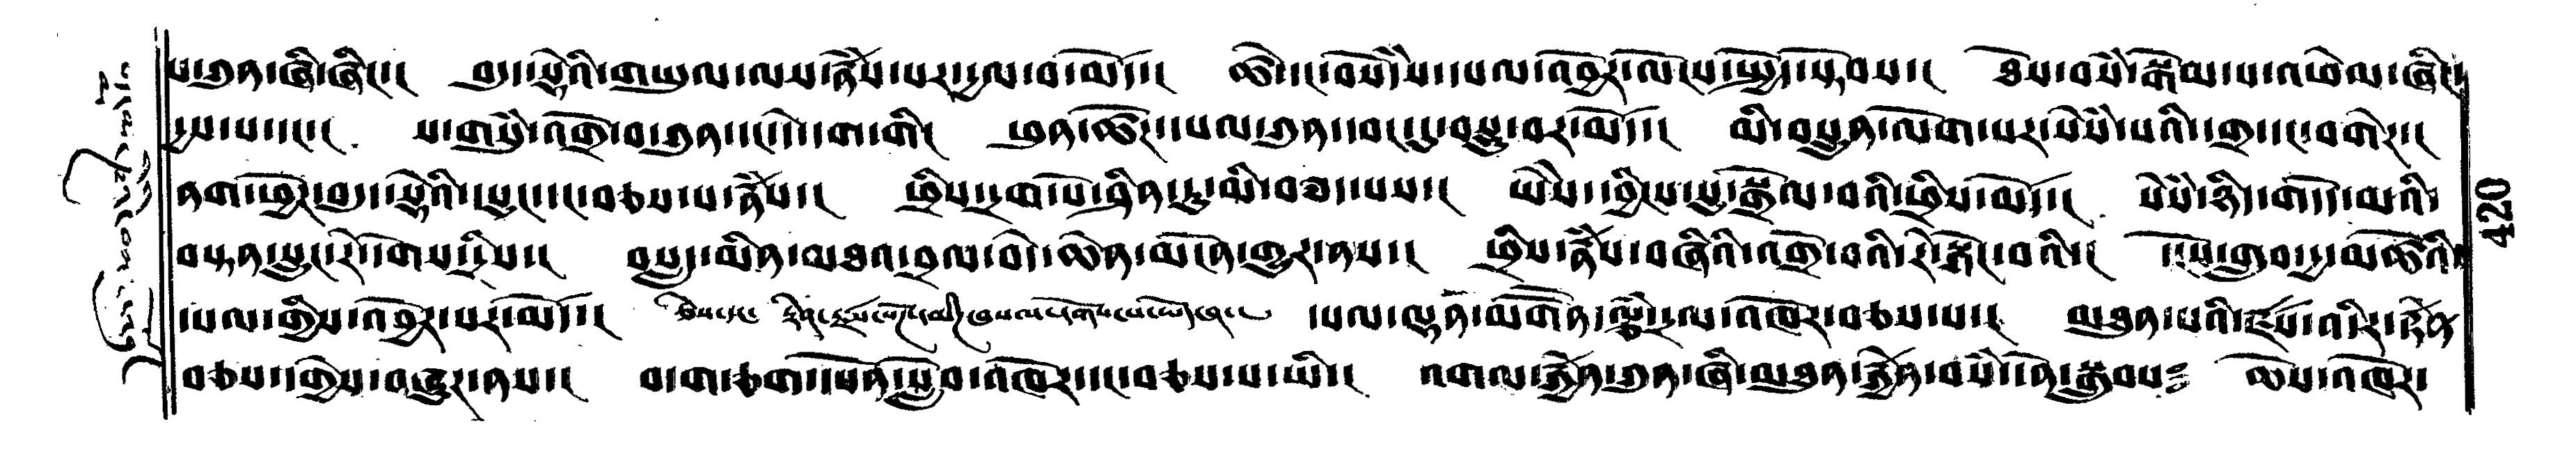པ་ཀུན་ཞི་ཞིང་། །བདུད་སྡེའི་གཡུལ་ལས་རྣམ་པར་རྒྱལ་བ་མཛོད། །ཚེ་དང་བསོད་ནམས་དཔལ་འབྱོར་ལོངས་སྤྱོད་སྟོབས། །ཐོས་བསམ་སྒོམ་པ་འཕེལ་ཞིང་
རྒྱས་པ་དང་། །ས་གསུམ་འགྲོ་བ་ཀུན་དང་དེ་དག་གི །ཕུན་ཚོགས་དཔལ་ཀུན་དབང་དུ་བསྡུ་བར་མཛོད། །མི་སྲུན་ལོག་པར་སེམས་པའི་དགྲ་དང་བགེགས། །
ནག་ཕྱོགས་བདུད་སྡེའི་དཔུང་དང་བཅས་པ་རྣམས། །ཕྲིན་ལས་དྲག་པོ་ཤིན་ཏུ་མི་བཟད་པས། །ཡེ་ཤེས་དབྱིངས་སུ་སྒྲོལ་བའི་ཕྲིན་ལས་མཛོད། །སེམས་ཉིད་གདོད་མའི་
བསྟན་སྲུང་རེ་དགོས་དྲིས། །བསླད་མིན་མཐའ་བྲལ་བདེ་ཆེན་མངོན་གྱུར་ནས། །ཕྲིན་ལས་རྣམ་བཞིས་འགྲོ་བའི་རེ་སྐོང་བའི། །དངོས་གྲུབ་རྒྱ་མཚོའི་
དཔལ་གྱིས་འབྱོར་བར་མཛོད། །ཅེས་དང་། རྟེན་རྫས་སོགས་དམིགས་བསལ་དགོས་པ་ཡོད་ན། དཔལ་ལྡན་མགོན་པོ་ལྕམ་དྲལ་འཁོར་དང་བཅས། །མཐུན་པའི་རྫས་འདིར་རྟེན་
བཅས་དགྱེས་བཞུགས་ནས། །བདག་ཅག་དཔོན་སློབ་འཁོར་དང་བཅས་པ་ཡི། །འགལ་རྐྱེན་ཀུན་ཞི་མཐུན་རྐྱེན་བསམ་དོན་སྒྲུབས། །ཆོས་འཁོར་